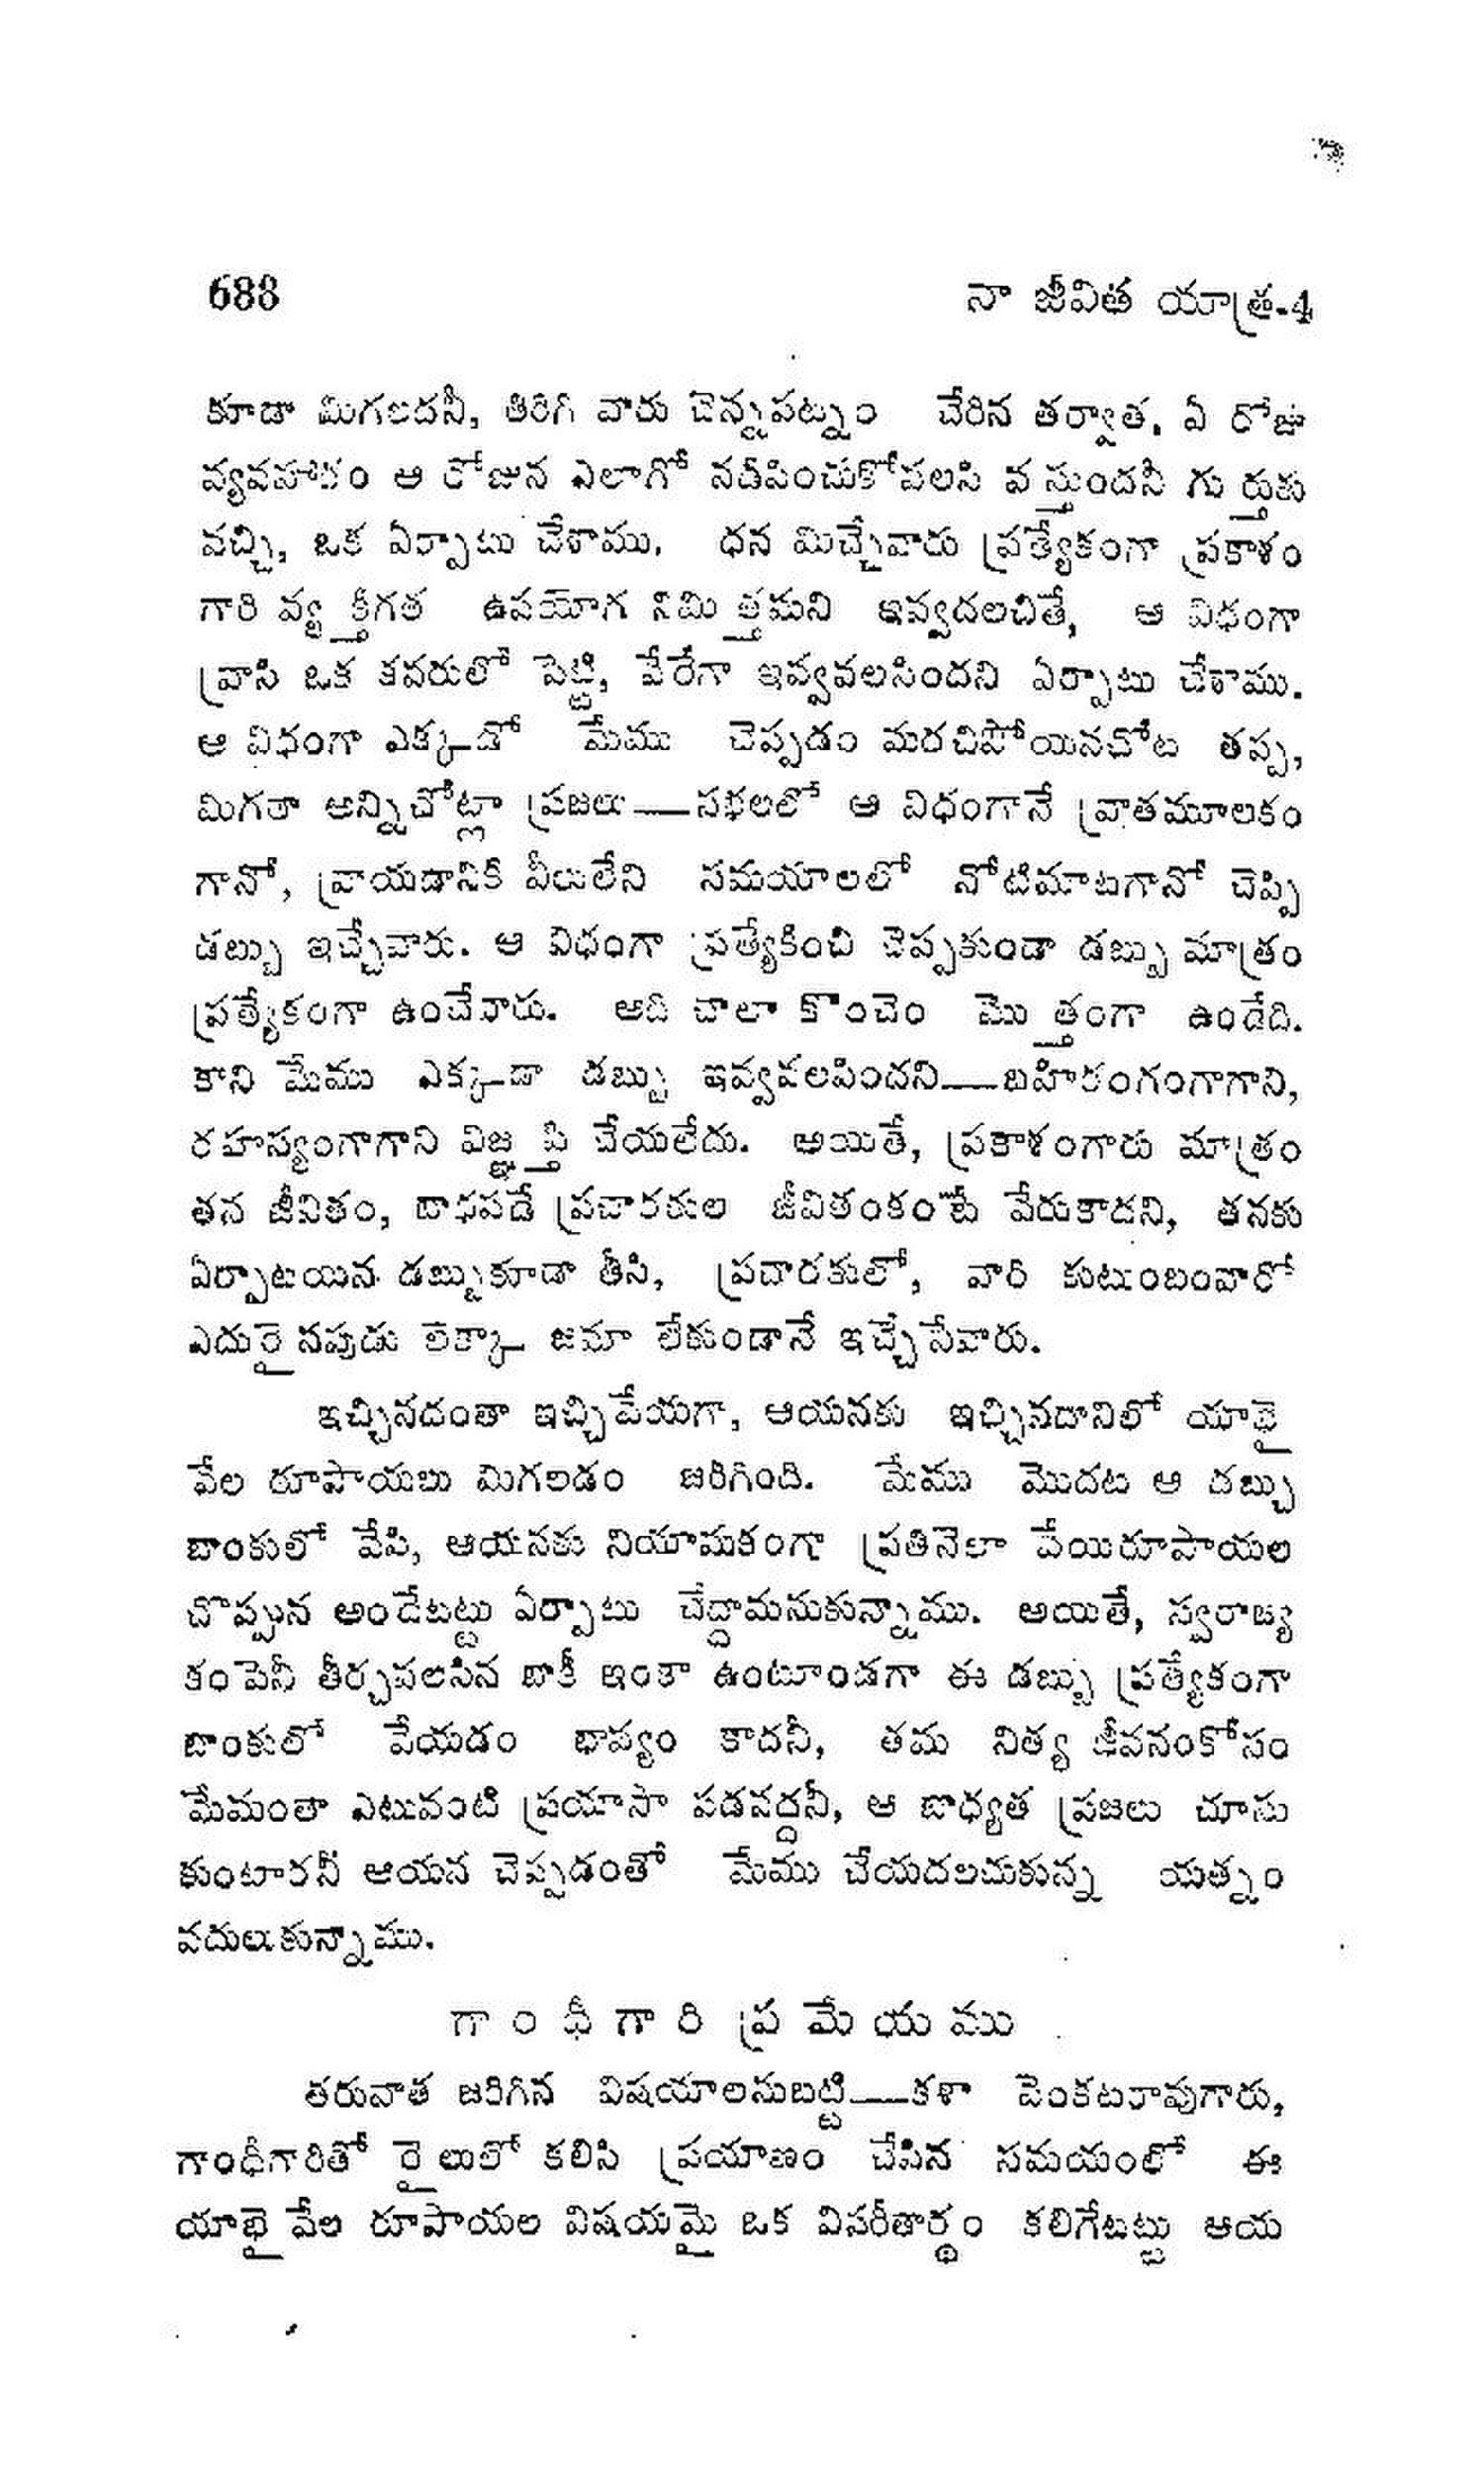కూడా మిగలదనీ, తిరిగి వారు చెన్నపట్నం చేరిన తర్వాత, ఏ రోజు వ్యవహారం ఆ రోజున ఎలాగో నడిపించుకోవలసి వస్తుందనీ గుర్తుకు వచ్చి, ఒక ఏర్పాటు చేశాము. ధన మిచ్చేవారు ప్రత్యేకంగా ప్రకాశంగారి వ్యక్తిగత ఉపయోగ నిమిత్తమని ఇవ్వదలచితే, ఆ విధంగా వ్రాసి ఒక కవరులో పెట్టి, వేరేగా ఇవ్వవలసిందని ఏర్పాటు చేశాము. ఆ విధంగా ఎక్కడో మేము చెప్పడం మరచిపోయినచోట తప్ప, మిగతా అన్నిచోట్లా ప్రజలు - సభలలో ఆ విధంగానే వ్రాతమూలకంగానో, వ్రాయడానికి వీలులేని సమయాలలో నోటిమాటగానో చెప్పి డబ్బు ఇచ్చేవారు. ఆ విధంగా ప్రత్యేకించి చెప్పకుండా డబ్బు మాత్రం ప్రత్యేకంగా ఉంచేవారు. అది చాలా కొంచెం మొత్తంగా ఉండేది. కాని మేము ఎక్కడా డబ్బు ఇవ్వ వలసిందని - బహిరంగంగాగాని, రహస్యంగాగాని విజ్ఞప్తి చేయలేదు. అయితే, ప్రకాశంగారు మాత్రం తన జీవితం, బాధపడే ప్రచారకుల జీవితంకంటే వేరుకాదని, తనకు ఏర్పాటయిన డబ్బుకూడా తీసి, ప్రచారకులో, వారి కుటుంబంవారో ఎదురైనపుడు లెక్కా జమా లేకుండానే ఇచ్చేసేవారు.

ఇచ్చినదంతా ఇచ్చివేయగా, ఆయనకు ఇచ్చినదానిలో యాభై వేల రూపాయలు మిగలడం జరిగింది. మేము మొదట ఆ డబ్బు బాంకులో వేసి, ఆయనకు నియామకంగా ప్రతినెలా వేయిరూపాయల చొప్పున అందేటట్టు ఏర్పాటు చేద్దామనుకున్నాము. అయితే, స్వరాజ్య కంపెనీ తీర్చవలసిన బాకీ ఇంకా ఉంటూండగా ఈ డబ్బు ప్రత్యేకంగా బాంకులో వేయడం భావ్యం కాదనీ, తమ నిత్య జీవనంకోసం మేమంతా ఎటువంటి ప్రయాసా పడవద్దనీ, ఆ బాధ్యత ప్రజలు చూసు కుంటారనీ ఆయన చెప్పడంతో మేము చేయదలచుకున్న యత్నం వదులుకున్నాము.

తరువాత అరిగిన విషయాలనుబట్టి - కళా వెంకటరావుగారు, గాంధీగారితో రైలులో కలిసి ప్రయాణం చేసిన సమయంలో ఈ యాభైవేల రూపాయల విషయమై ఒక విపరీతార్థం కలిగేటట్టు ఆయ